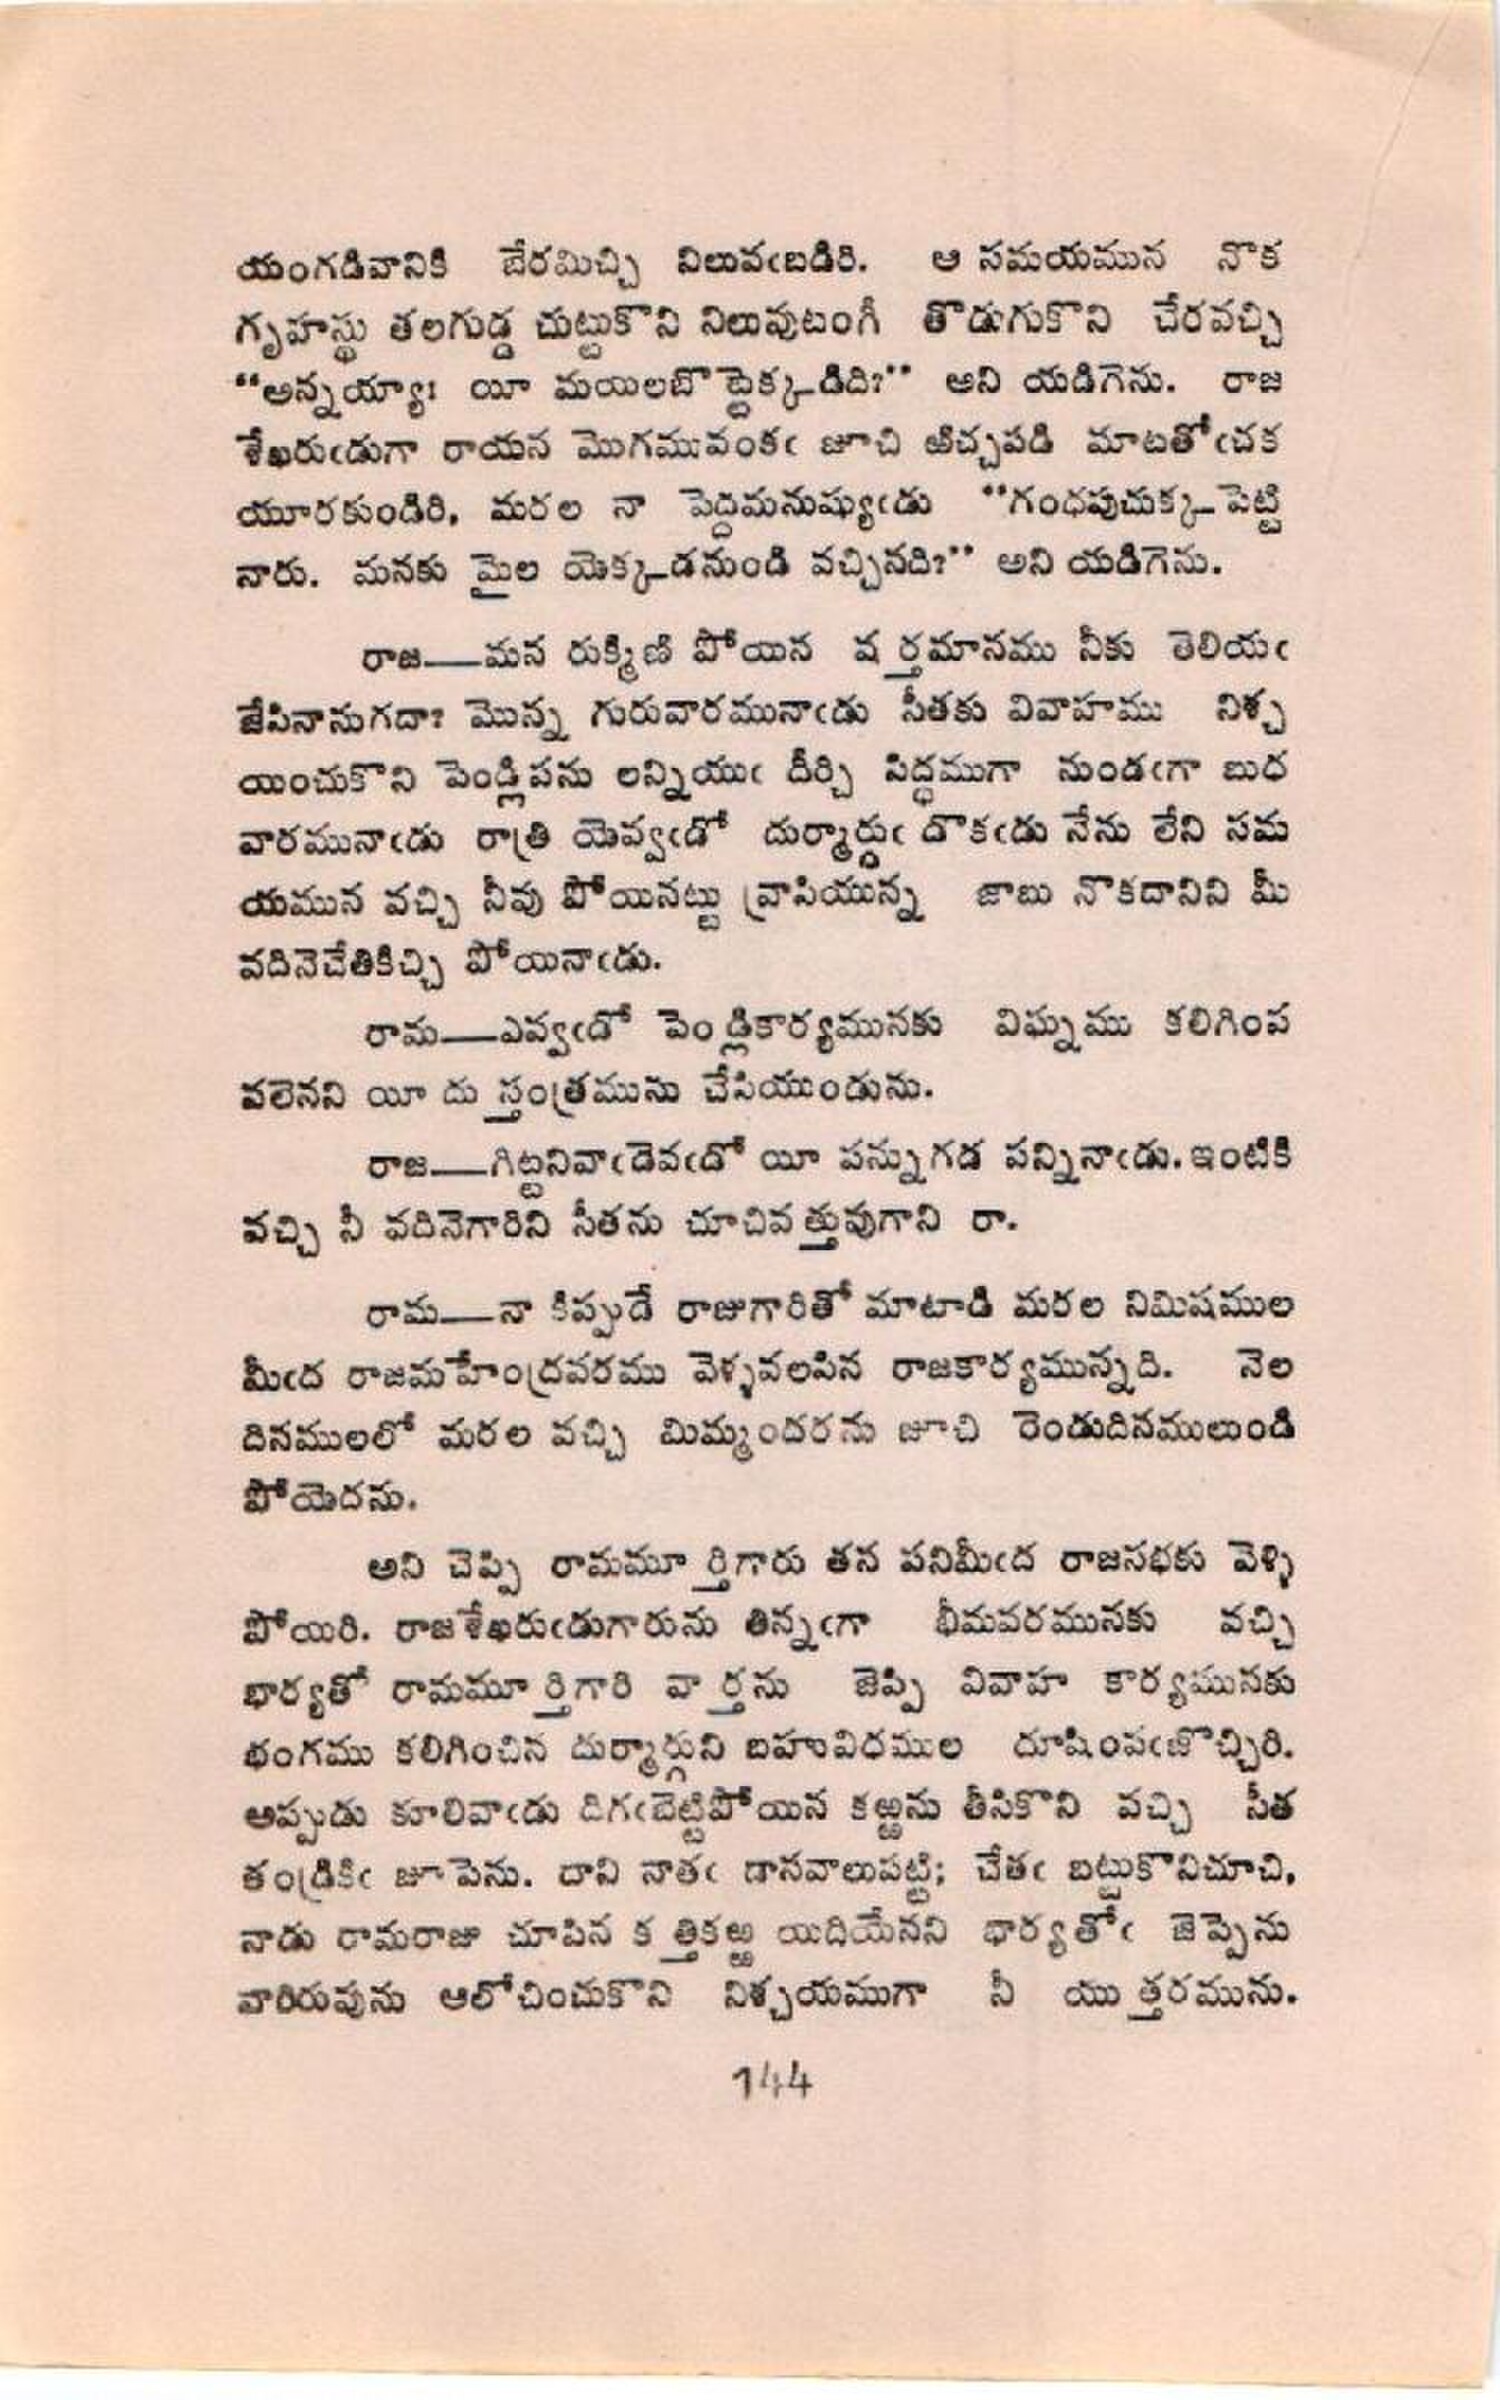యంగడివానికి బేరమిచ్చి నిలువఁబడిరి. ఆ సమయమున నొక గృహస్థు తలగుడ్డ చుట్టుకొని నిలువుటంగీ తొడుగుకొని చేరవచ్చి “అన్నయ్యా! యీ మయిలబొట్టెక్కడిది?" అని యడిగెను. రాజ శేఖరుఁడుగా రాయన మొగము వంకఁ జూచి ఱిచ్చపడి మాటతోఁచక యూరకుండిరి, మరల నా పెద్దమనుష్యుఁడు "గంధపుచుక్కపెట్టి నారు. మనకు మైల యెక్కడనుండి వచ్చినది?" అని యడిగెను.

రాజ__మన రుక్మిణి పోయిన వర్తమానము నీకు తెలియ జేసినానుగదా? మొన్న గురువారమునాఁడు సీతకు వివాహము నిశ్చ యించుకొని పెండ్లిపను లన్నియుఁ దీర్చి సిద్ధముగా నుండఁగా బుధ వారమునాఁడు రాత్రి యెవ్వఁడో దుర్మార్గు డొకఁడు నేను లేని సమ యమున వచ్చి నీవు పోయినట్టు వ్రాసియున్న జాబు నొకదానిని మీ వదినెచేతికిచ్చి పోయినాఁడు.

రామ__ఎవ్వఁడో పెండ్లికార్యమునకు విఘ్నము కలిగింప వలెనని యీ దు స్తంత్రమును చేసియుండును.

రాజ__గిట్టనివాఁడెవఁడో యీ పన్నుగడ పన్నినాఁడు. ఇంటికి వచ్చి నీ వదినెగారిని సీతను చూచివత్తువు గాని రా.

రామ__నా కిప్పుడే రాజుగారితో మాటాడి మరల నిమిషముల మీఁద రాజమహేంద్రవరము వెళ్ళవలసిన రాజకార్యమున్నది. నెల దినములలో మరల వచ్చి మిమ్మందరను జూచి రెండుదినములుండి పోయెదను.

అని చెప్పి రామమూర్తిగారు తన పనిమీఁద రాజసభకు వెళ్ళి పోయిరి. రాజశేఖరుఁడుగారును తిన్నఁగా భీమవరమునకు వచ్చి భార్యతో రామమూర్తిగారి వార్తను జెప్పి వివాహ కార్యమునకు భంగము కలిగించిన దుర్మార్గుని బహువిధముల దూషింపఁజొచ్చిరి. అప్పుడు కూలివాఁడు దిగఁబెట్టిపోయిన కఱ్ఱను తీసికొని వచ్చి సీత తండ్రికిఁ జూపెను. దాని నాతఁ డానవాలుపట్టి; చేతఁ బట్టుకొనిచూచి, నాడు రామరాజు చూపిన కత్తికఱ్ఱ యిదియేనని భార్యతోఁ జెప్పెను వారిరువును ఆలోచించుకొని నిశ్చయముగా నీ యుత్తరమును.